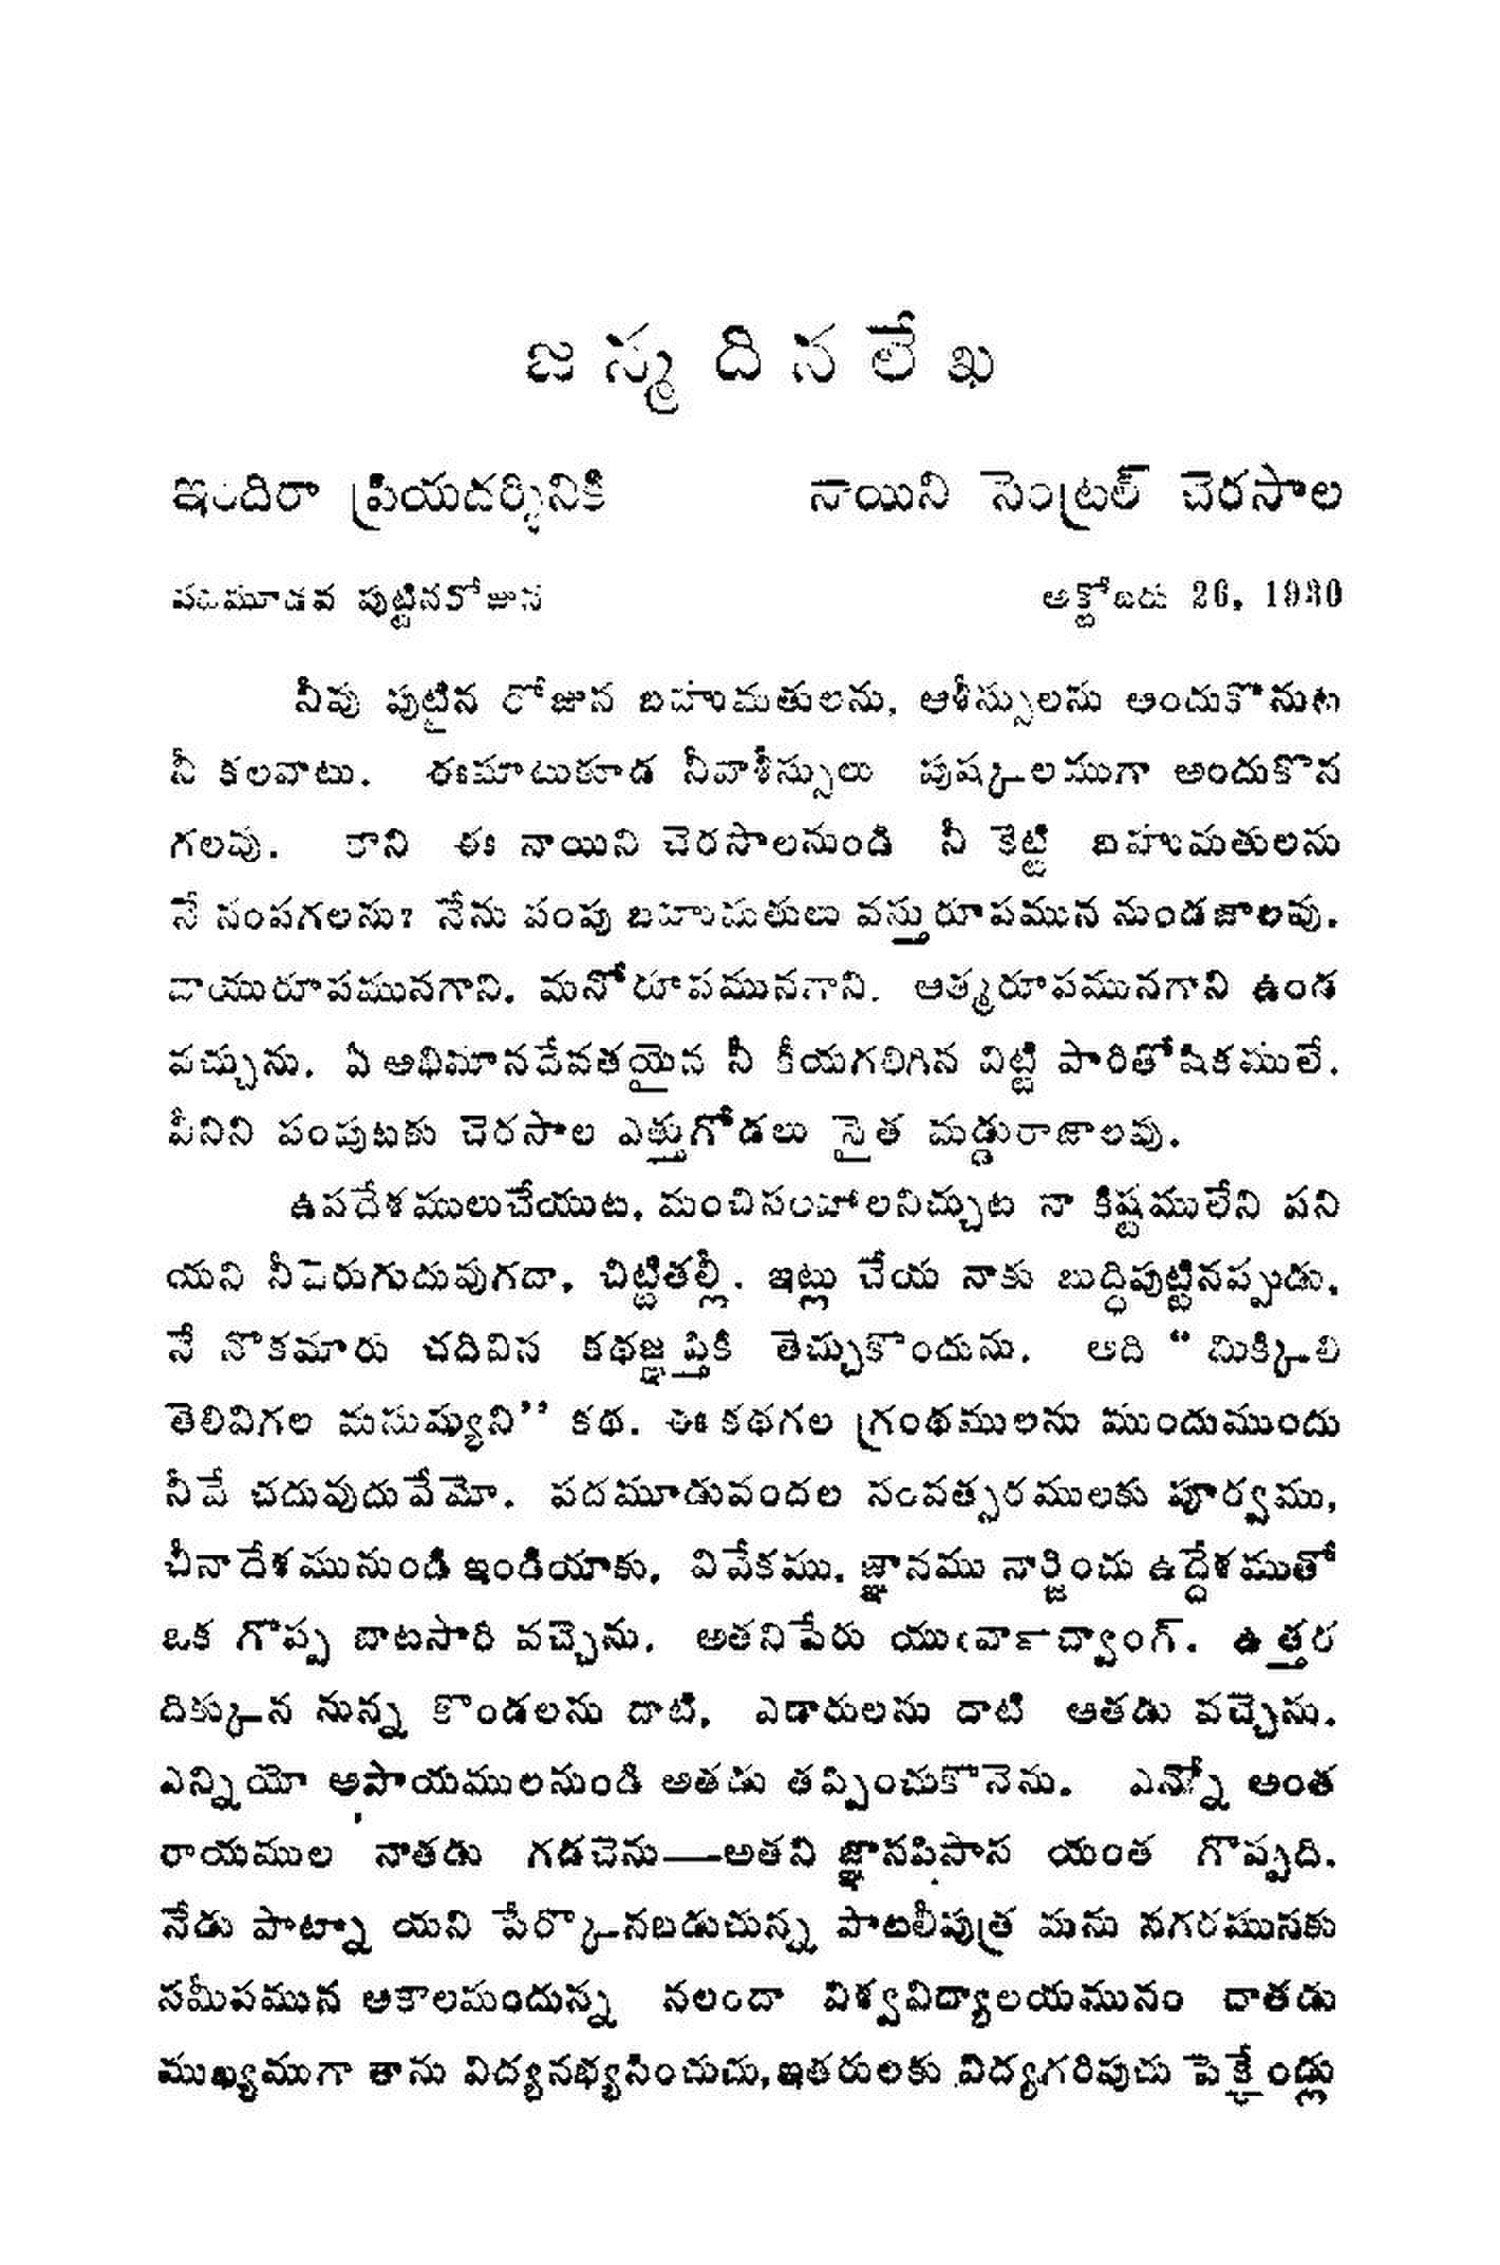జన్మదిన లేఖ

నీవు పుట్టిన రోజున బహుమతులను, ఆశీస్సులను అందుకొనుట నీ కలవాటు. ఈమాఱుకూడ నీవాశీస్సులు పుష్కలముగా అందుకొనగలవు. కాని ఈ నాయిని చెరసాలనుండి నీ కెట్టి బహుమతులను నే నంపగలను? నేను పంపు బహుమతులు వస్తురూపమున నుండజాలవు. వాయురూపమునగాని. మనోరూపమునగాని. ఆత్మరూపమునగాని ఉండవచ్చును. ఏ అభిమానదేవతయైన నీ కీయగలిగిన విట్టి పారితోషికములే. వీనిని పంపుటకు చెరసాల ఎత్తుగోడలు సైత మడ్డురాజాలవు.

ఉపదేశములు చేయుట, మంచి సలహాలనిచ్చుట నా కిష్టములేని పని యని నీ వెరుగుదువుగదా, చిట్టితల్లీ , ఇట్లు చేయ నాకు బుద్ధిపుట్టినప్పుడు, నే నొకమారు చదివిన కథజ్ఞప్తికి తెచ్చుకొందును. ఆది " మిక్కిలి తెలివిగల మనుష్యుని" కథ. ఆ కథగల గ్రంథములను ముందుముందు నీవే చదువుదువేమో. పదమూడువందల సంవత్సరములకు పూర్వము, చీనాదేశమునుండి ఇండియాకు. వివేకము, జ్ఞానము నార్జించు ఉద్దేశముతో ఒక గొప్ప బాటసారి వచ్చెను. అతని పేరు యుఁవా౯ చ్వాంగ్. ఉత్తర దిక్కున నున్న కొండలను దాటి, ఎడారులను దాటి ఆతడు వచ్చెను. ఎన్నియో అపాయములనుండి అతడు తప్పించుకొనెను. ఎన్నో అంతరాయముల నాతడు గడచెను అతని జ్ఞానపిపాస యంత గొప్పది, నేడు పాట్నా యని పేర్కొనబడుచున్న పాటలీపుత్ర మను నగరమునకు సమీపమున ఆకాలమందున్న నలందా విశ్వవిద్యాలయమునం దాతడు ముఖ్యముగా తాను విద్యనభ్యసించుచు, ఇతరులకు విద్యగరిపుచు పెక్కేండ్లు